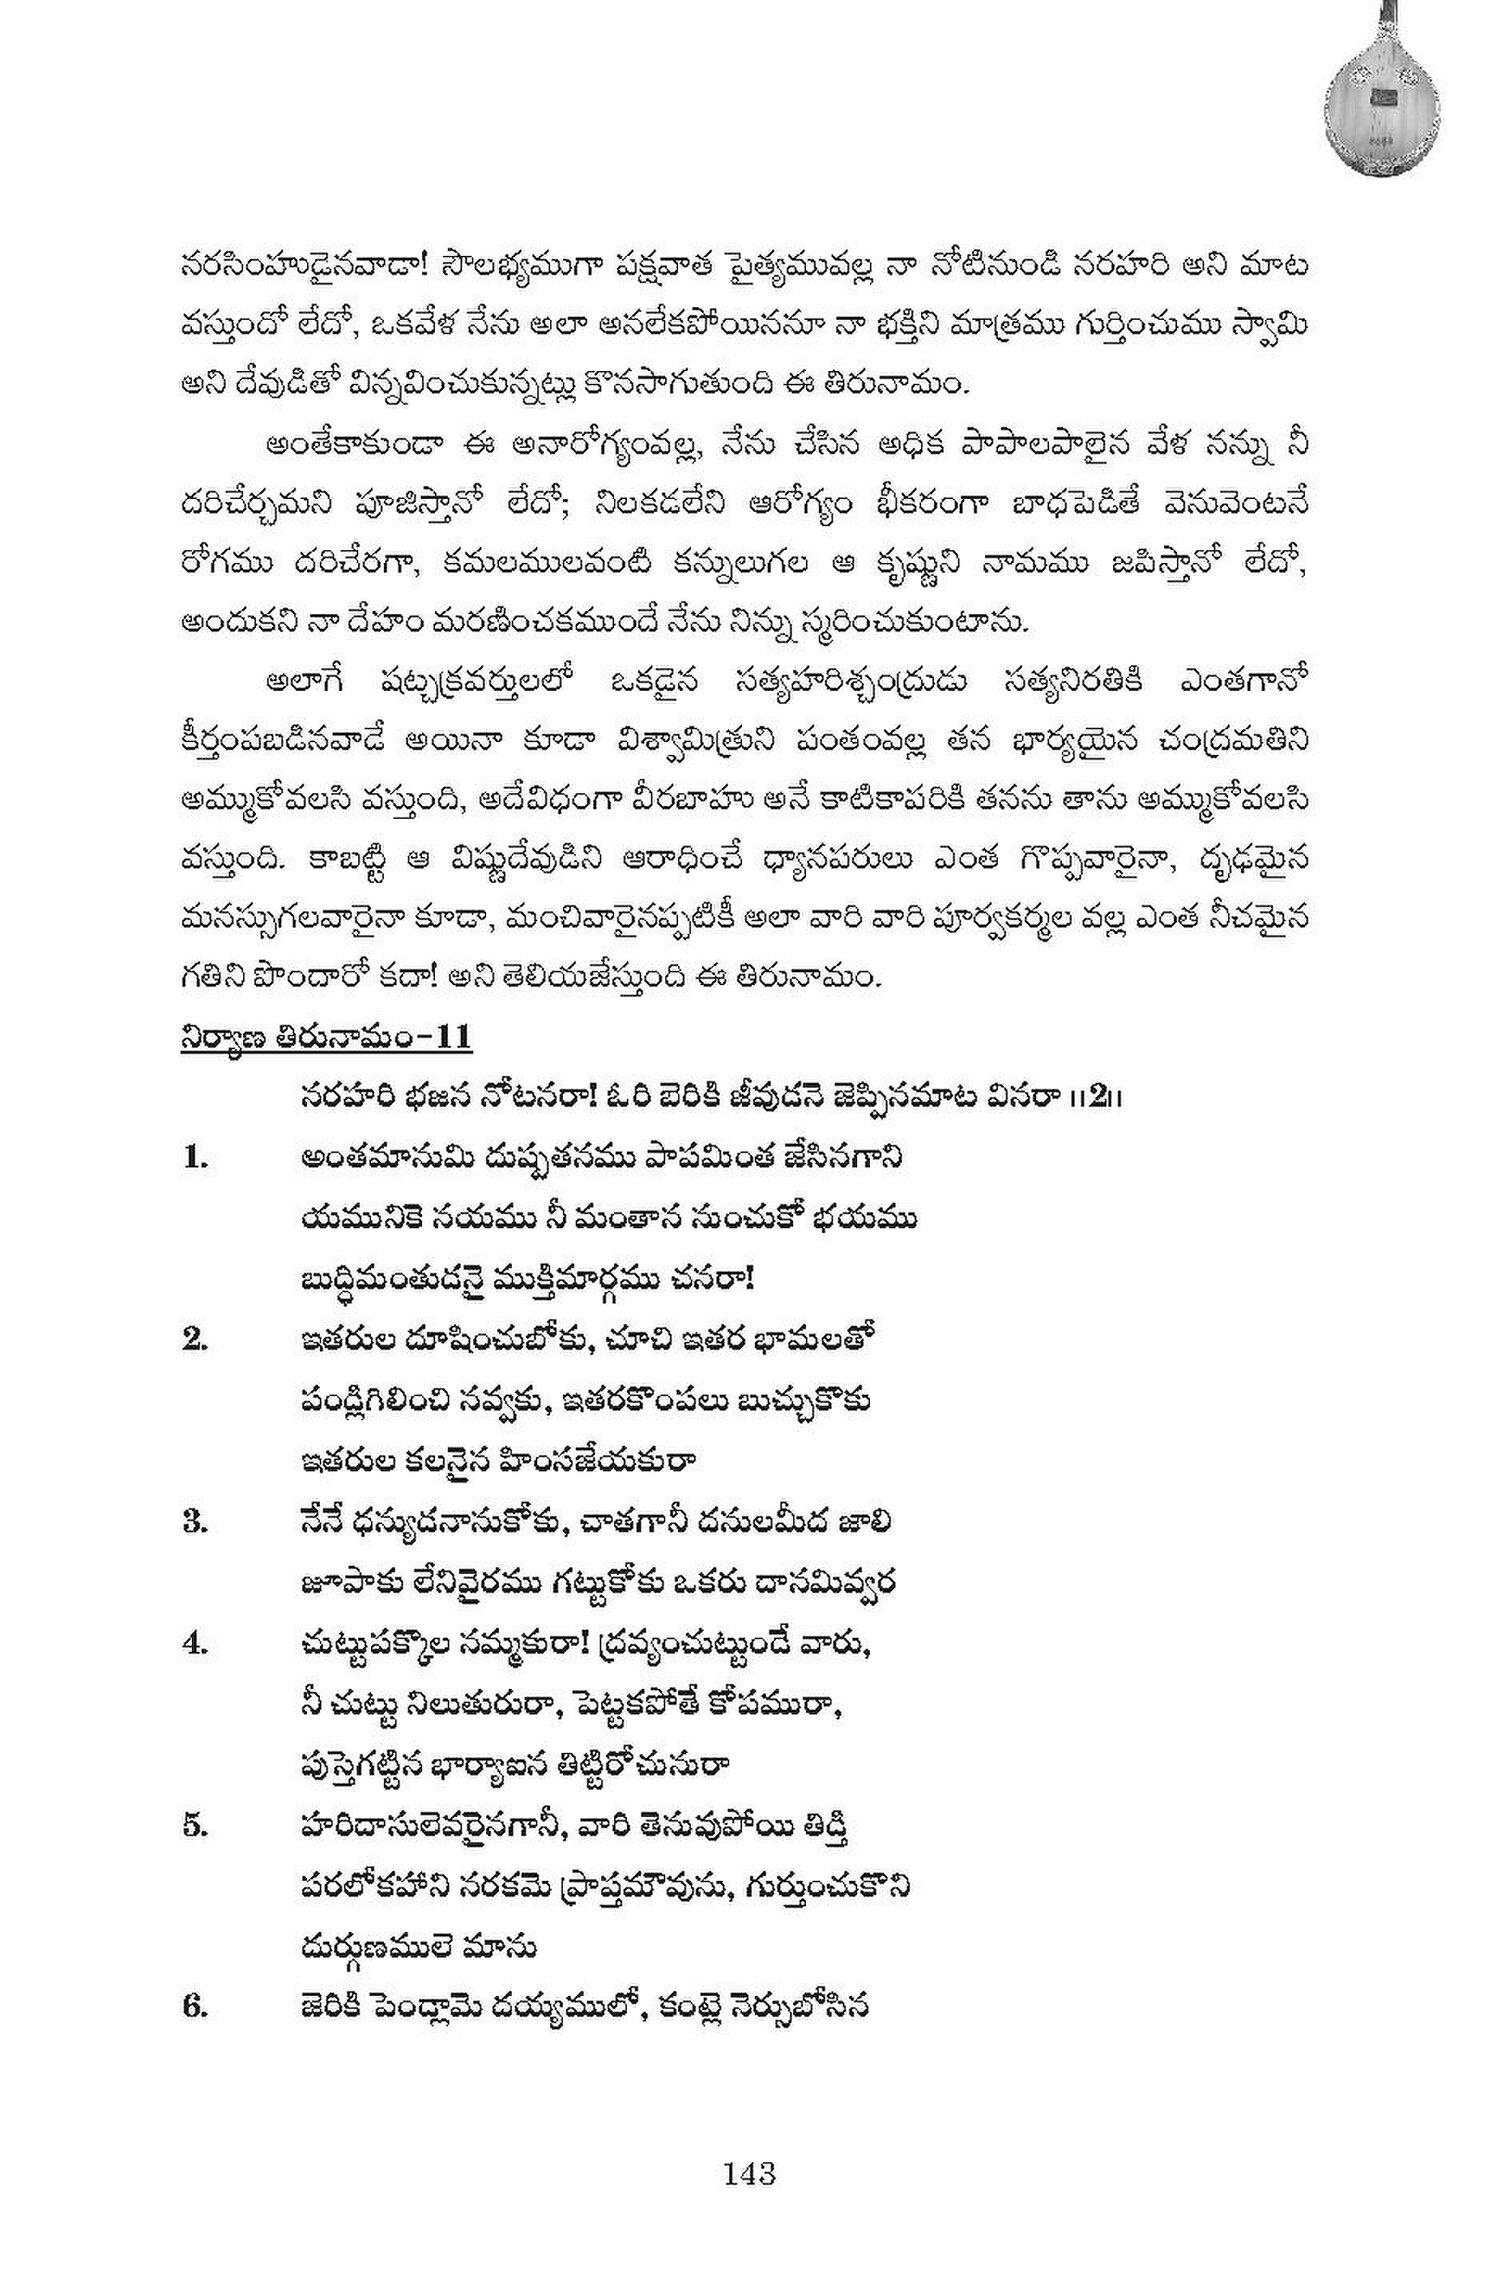నరసింహుడైనవాడా! సౌలభ్యముగా పక్షవాత పైత్యమువల్ల నా నోటినుండి నరహరి అని మాట వస్తుందో లేదో, ఒకవేళ నేను అలా అనలేకపోయిననూ నా భక్తిని మాత్రము గుర్తించుము స్వామి అని దేవుడితో విన్నవించుకున్నట్లు కొనసాగుతుంది ఈ తిరునామం.

అంతేకాకుండా ఈ అనారోగ్యంవల్ల, నేను చేసిన అధిక పాపాలపాలైన వేళ నన్ను నీ దరిచేర్చమని పూజిస్తానో లేదో; నిలకడలేని ఆరోగ్యం భీకరంగా బాధపెడితే వెనువెంటనే రోగము దరిచేరగా, కమలములవంటి కన్నులుగల ఆ కృష్ణుని నామము జపిస్తానో లేదో, అందుకని నా దేహం మరణించకముందే నేను నిన్ను స్మరించుకుంటాను.

అలాగే షట్చక్రవర్తులలో ఒకడైన సత్యహరిశ్చంద్రుడు సత్యనిరతికి ఎంతగానో కీర్తింపబడినవాడే అయినా కూడా విశ్వామిత్రుని పంతంవల్ల తన భార్యయైన చంద్రమతిని అమ్ముకోవలసి వస్తుంది, అదేవిధంగా వీరబాహు అనే కాటికాపరికి తనను తాను అమ్ముకోవలసి వస్తుంది. కాబట్టి ఆ విష్ణుదేవుడిని ఆరాధించే ధ్యానపరులు ఎంత గొప్పవారైనా, దృఢమైన మనస్సుగల వారైనా కూడా, మంచివారైనప్పటికీ అలా వారి వారి పూర్వకర్మల వల్ల ఎంత నీచమైన గతిని పొందారో కదా! అని తెలియ జేస్తుంది ఈ తిరునామం.

నిర్వాణ తిరునామం-11

నరహరి భజన నోటనరా! ఓరి బెరికి జీవుడనె జెప్పినమాట వినరా ॥2॥

1. అంతమానుమి దుష్పతనము పాపమింత జేసినగాని
యమునికె నయము నీ మంతాన నుంచుకో భయము
బుద్ధిమంతుడనై ముక్తిమార్గము చనరా!

2. ఇతరుల దూషించుబోకు, చూచి ఇతర భామలతో
పండ్లిగిలించి నవ్వకు, ఇతరకొంపలు బుచ్చుకొకు
ఇతరుల కలనైన హింసజేయకురా

3. నేనే ధన్యుడనానుకోకు, చాతగానీ దనులమీద జాలి
జూపాకు లేనివైరము గట్టుకోకు ఒకరు దానమివ్వర

4. చుట్టుపక్కొల నమ్మకురా! ద్రవ్యంచుట్టుండే వారు,
నీ చుట్టు నిలుతురురా, పెట్టకపోతే కోపమురా,
పుస్తెగట్టిన భార్యాఐన తిట్టిరోచునురా

5. హరిదాసులెవరైనగానీ, వారి తెనువుపోయి తిత్తి
పరలోకహాని నరకమె ప్రాప్తమౌవును, గుర్తుంచుకొని
దుర్గుణములె మాను

6.జెరికి పెండ్లామె దయ్యములో, కంటె నెర్సుబోసిన